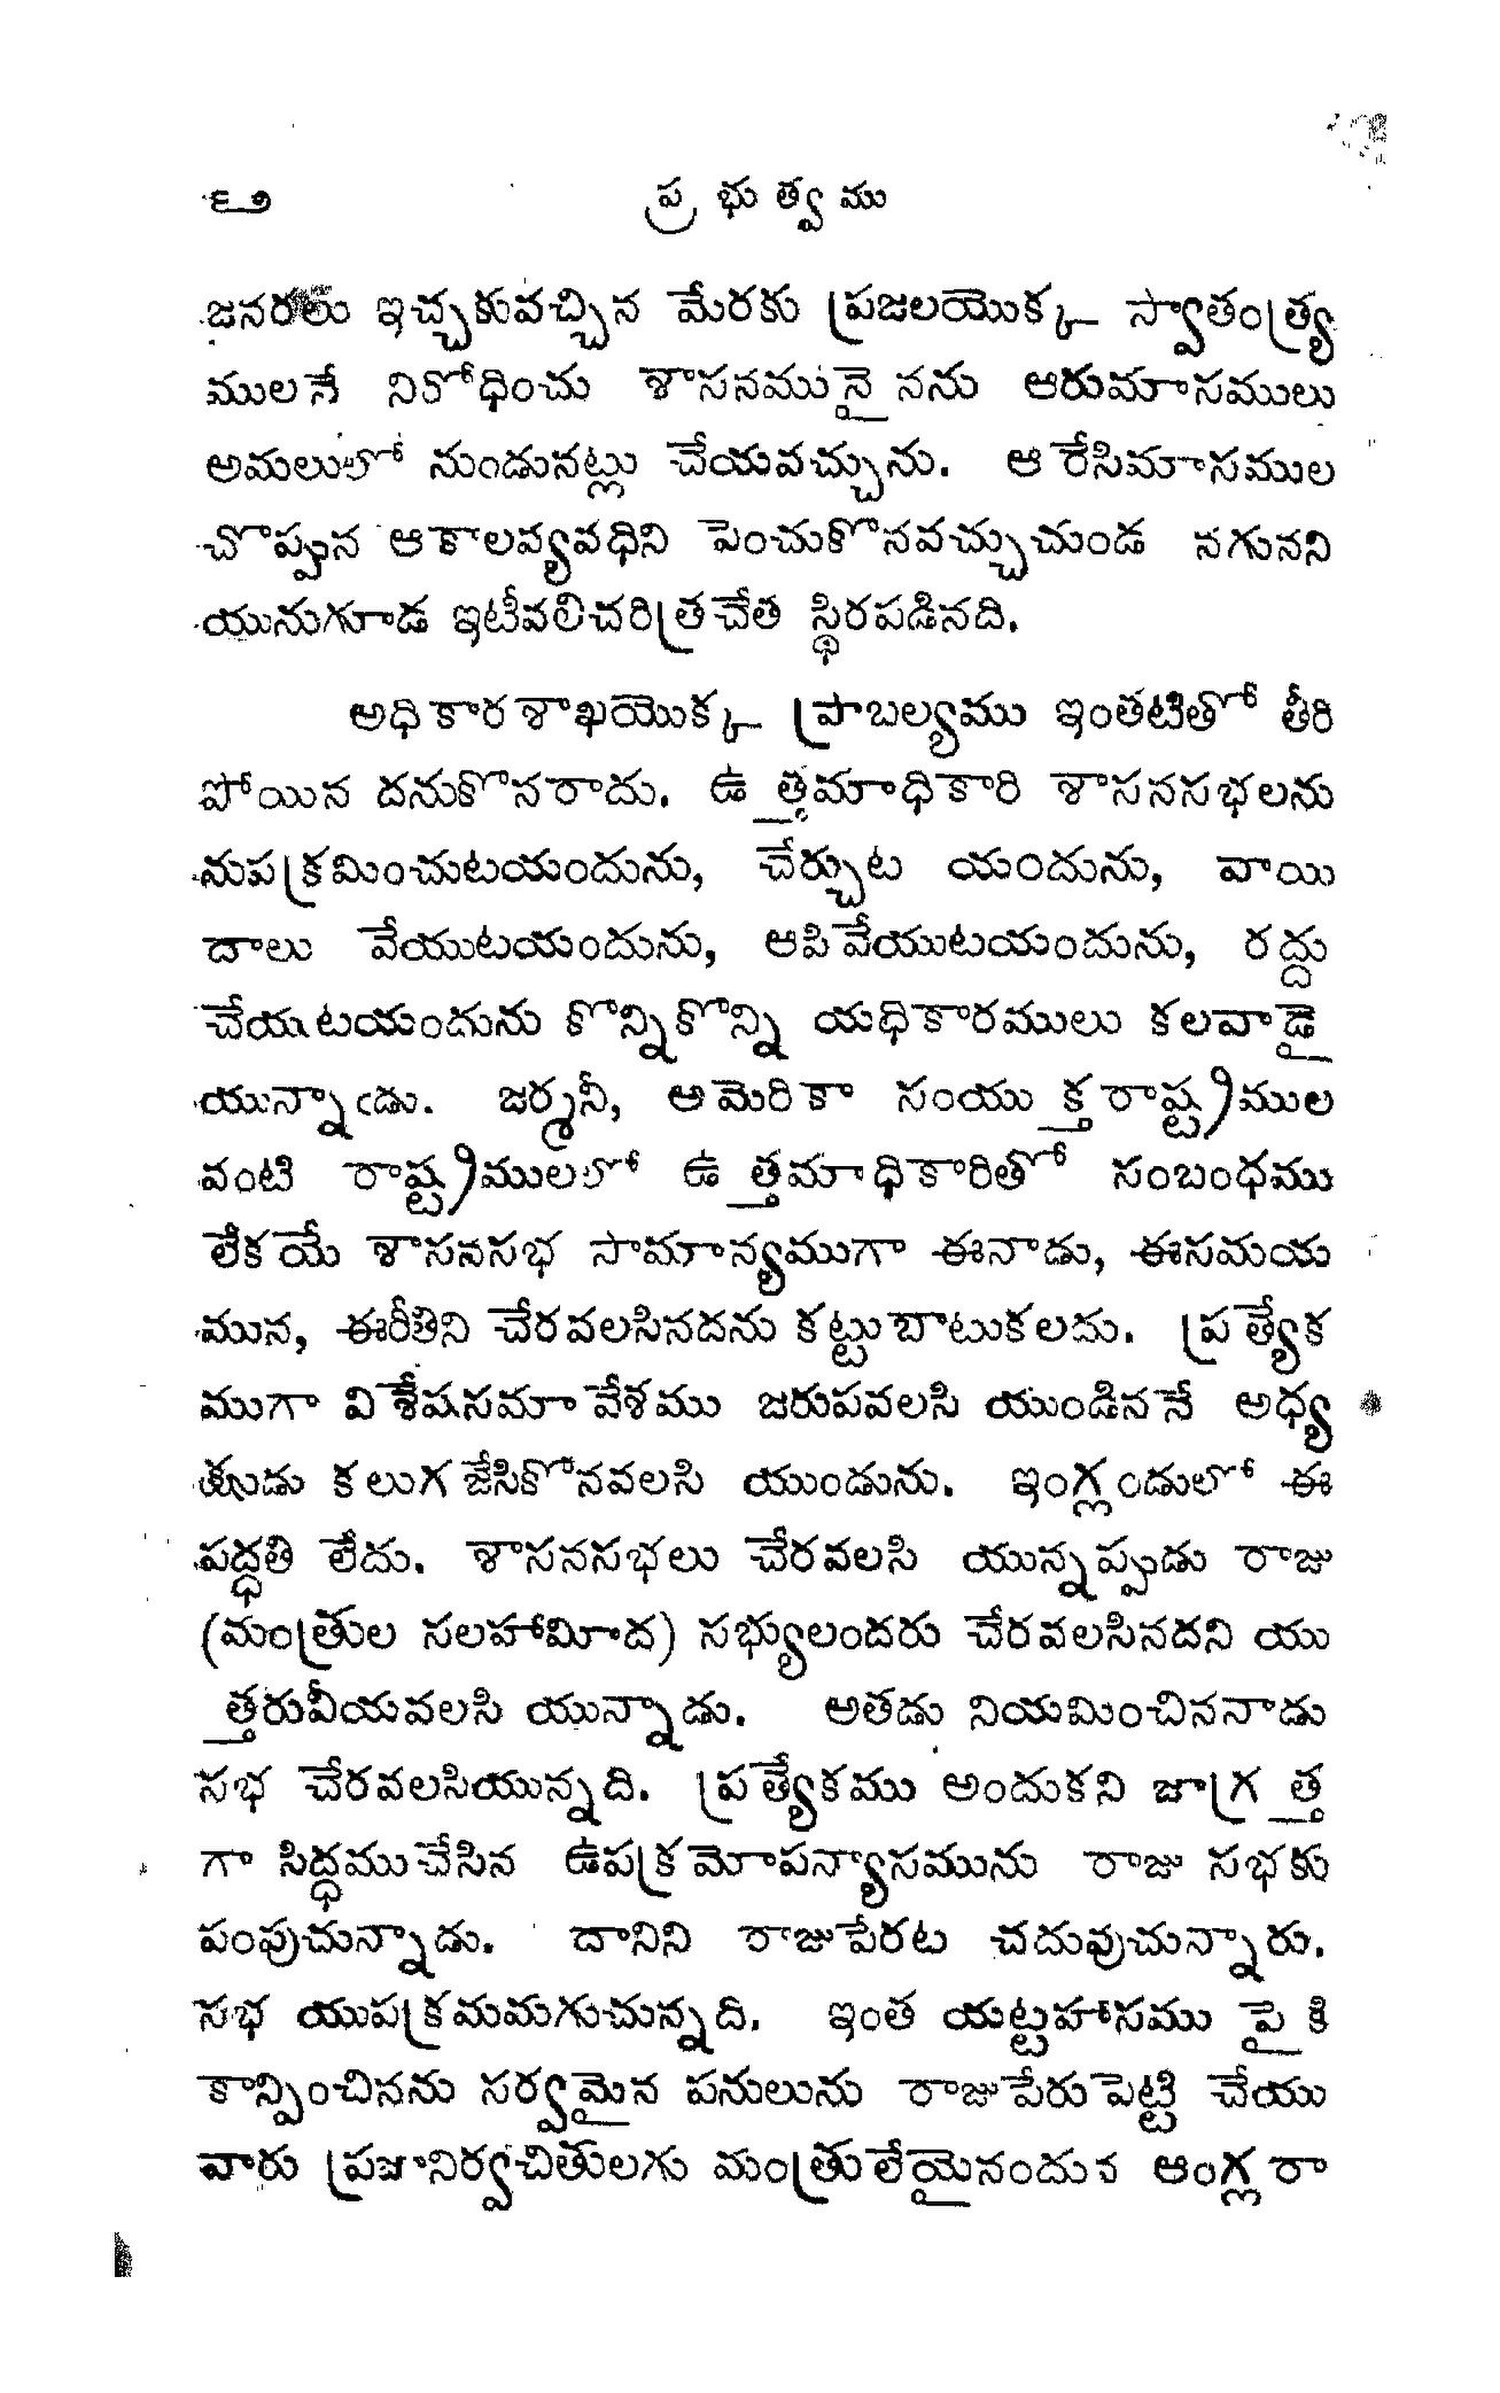జనరలు ఇచ్చకువచ్చిన మేరకు ప్రజలయొక్క స్వాతంత్ర్యములనే నిరోధించు శాసనమునైనను ఆరుమాసములు అమలులో నుండునట్లు చేయవచ్చును. ఆరేసిమాసముల చొప్పున ఆకాలవ్యవధిని పెంచుకొనవచ్చుచుండ నగుననియునుగూడ ఇటీవలిచరిత్రచేత స్థిరపడినది.

అధికారశాఖయొక్క ప్రాబల్యము ఇంతటితో తీరిపోయిన దనుకొనరాదు. ఉత్తమాధికారి శాసనసభలను నుపక్రమించుటయందును, చేర్చుట యందును, వాయిదాలు వేయుటయందును, ఆపివేయుటయందును, రద్దుచేయుటయందును కొన్ని కొన్ని యధికారములు కలవాడై యున్నాఁడు. జర్మనీ, అమెరికా సంయుక్తరాష్ట్రముల వంటి రాష్ట్రములలో ఉత్తమాధికారితో సంబంధము లేకయే శాసనసభ సామాన్యముగా ఈనాడు, ఈ సమయమున, ఈరీతిని చేరవలసినదను కట్టుబాటుకలదు. ప్రత్యేకముగా విశేషసమావేశము జరుపవలసి యుండిననే అధ్యక్షుడు కలుగజేసికొనవలసి యుండును. ఇంగ్లండులో ఈ పద్ధతి లేదు. శాసనసభలు చేరవలసి యున్నప్పుడు రాజు (మంత్రుల సలహామీద) సభ్యులందరు చేరవలసినదని యుత్తరువీయవలసి యున్నాడు. అతడు నియమించిననాడు సభ చేరవలసియున్నది. ప్రత్యేకము అందుకని జాగ్రత్తగా సిద్ధముచేసిన ఉపక్రమోపన్యాసమును రాజు సభకు పంపుచున్నాడు. దానిని రాజుపేరట చదువుచున్నారు. సభ యుపక్రమమగుచున్నది. ఇంత యట్టహాసము పైకి కాన్పించినను సర్వమైన పనులును రాజుపేరుపెట్టి చేయువారు ప్రజానిర్వచితులగు మంత్రులేయైనందున ఆంగ్లరా